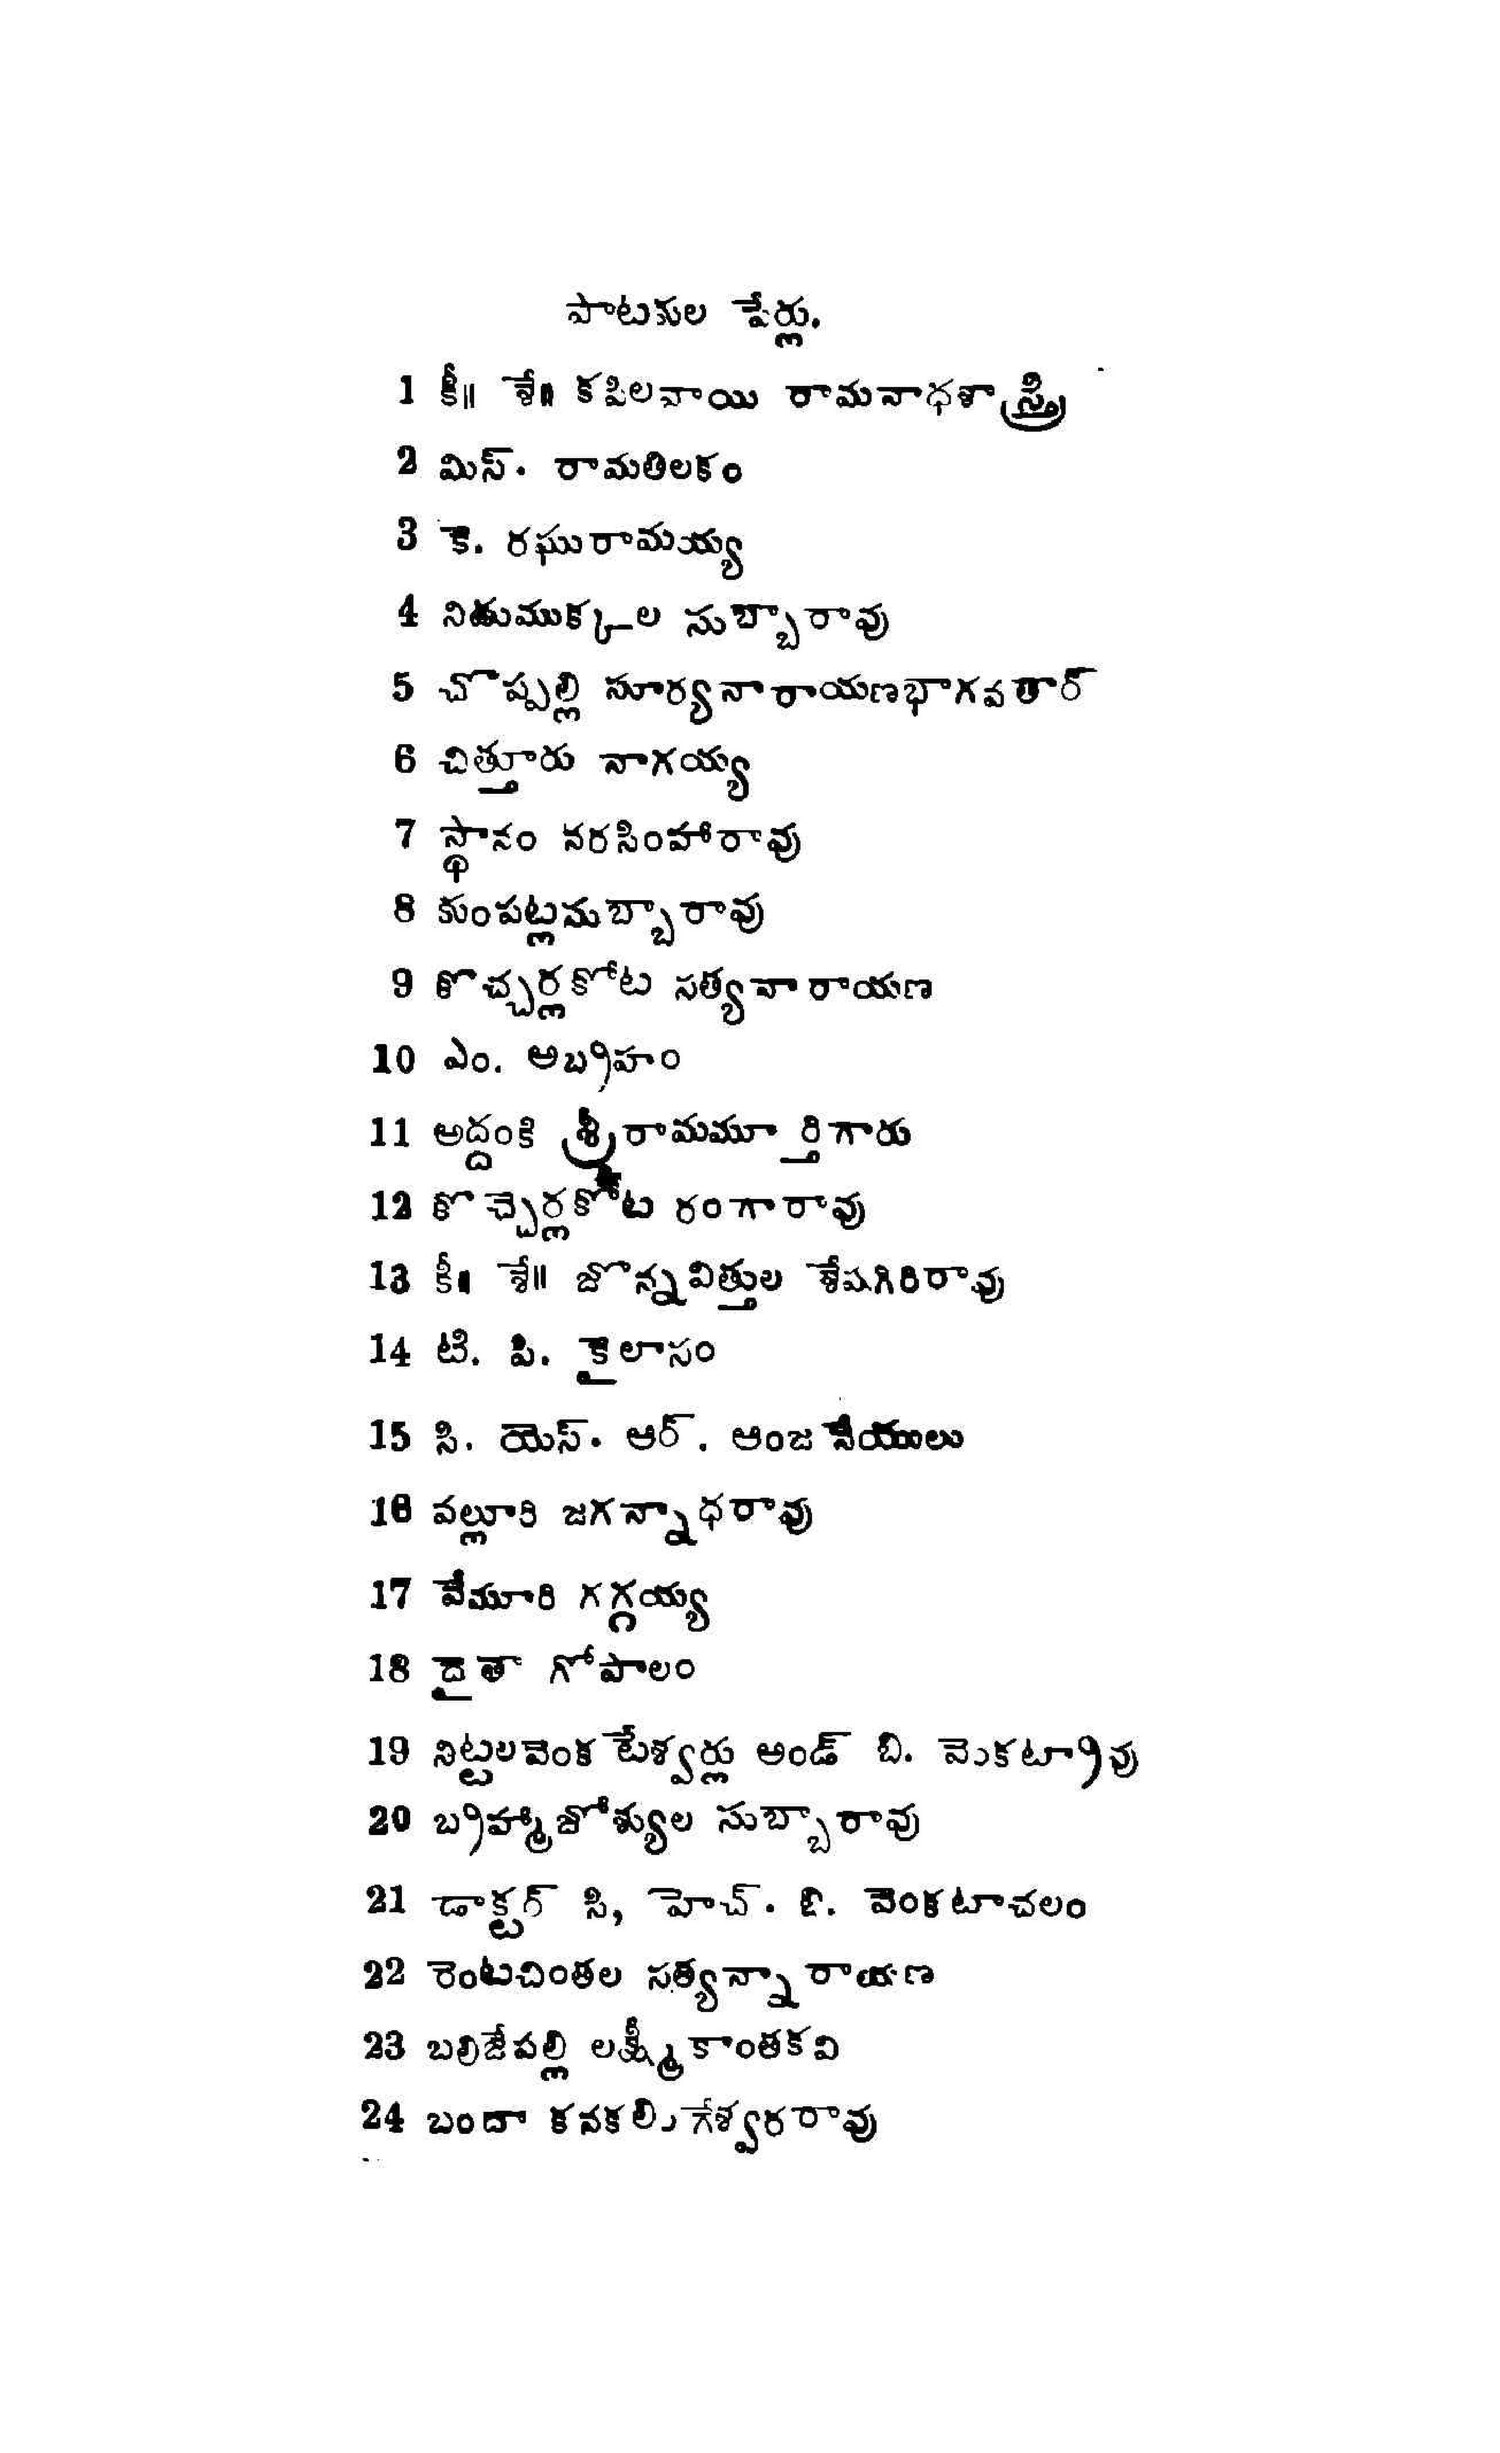1 కీ॥ శే॥ కపిలవాయి రామనాధశాస్త్రి 

2 మిస్. రామతిలకం 

3 కె. రఘురామయ్య 

4 నిడుముక్కల సుబ్బారావు 

5 చొప్పల్లి సూర్యనారాయణ భాగవతార్ 

6 చిత్తూరు నాగయ్య 

7 స్థానం నరసింహారావు 

8 కుంపట్ల సుబ్బారావు 

9 కొచ్చర్లకోట సత్యనారాయణ 

10 ఎం. అబ్రహం 

11 అద్దంకి శ్రీరామమూర్తిగారు 

12 కొచ్చెర్లకోట రంగారావు 

13 కీ॥ శే॥ జొన్నవిత్తుల శేషగిరిరావు 

14 టి. పి. కైలాసం 

15 సి. యెస్. ఆర్. ఆంజనేయులు 

16 వల్లూరి జగన్నాధరావు 

17 వేమూరి గగ్గయ్య 

18 దైతా గోపాలం 

19 నిట్టల వెంకటేశ్వర్లు అండ్ బి. వెంకట్రావు 

20 బ్రహ్మాజోశ్యుల సుబ్బారావు 

21 డాక్టర్ సి. హెచ్. బి. వెంకటాచలం 

22 రెంటచింతల సత్యన్నారాయణ 

23 బలిజేపల్లి లక్ష్మీకాంతకవి 

24 బందా కనకలింగేశ్వరరావు